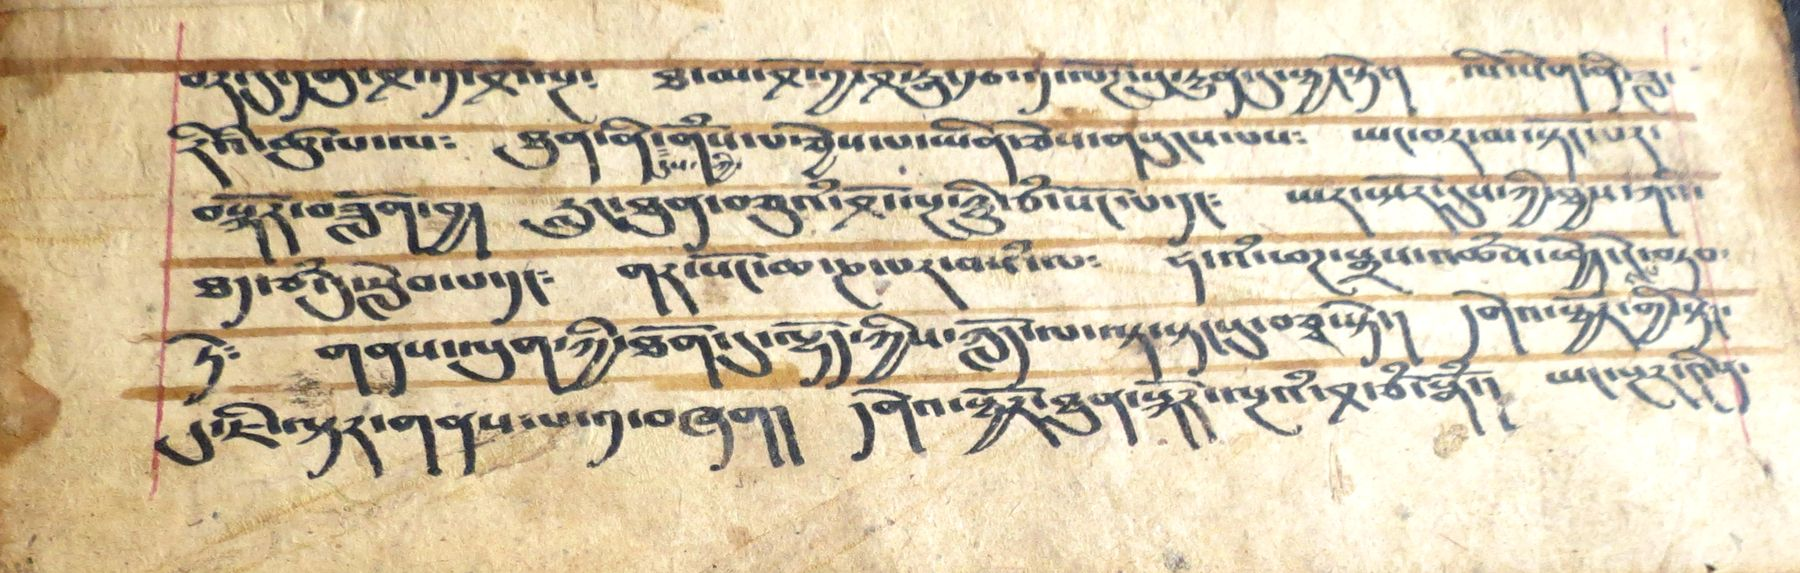བར་དུ་དགུ་བཅུ་གཅིག་བཅོ་ལྔ། ཐ་མ་བཅུ་བདུན་བཅུ་དགུ་རྩ་གཅིག་ལ་སོགས་སུ་རྒྱུག་སྦྱང་བྱ་སྟེ། ལི་སེག་ནི་ཟླ་
རིའི་ཚུལ་ལ། ཐུན་ནི་དུས་ཀྱིས་གོམས་པ་གཅེས་པ་ཡིན་གསུངས་པས། ཡང་བར་མ་སྟོང་བར་
བསྐོར་ཟློག་བྱ། རླུང་ཐུན་བཅུའམ། བཅོ་ལྔ་ཉི་ཤུ་ཙམ་སོང་བ་དང་། ཡང་སྦྱར་དུས་ཀྱི་ཐུགས་ཁའི་
ཐད་ཙམ་དུ་སླེབས་པ་དང་། གར་སོང་ཆ་མེད་པར་བསམ་ལ། ཧའམ་ཕཊ་ཀྱིས་སྒྲ་མཚམས་ཕྱེད་ངེས་བཏབ་
སྟེ། གནས་ལུགས་ཀྱི་ཐོག་ཏུ་ལྷོད་ཀྱིས་ཀློད་ལ་ལྟ་སྟངས་བཅས་སྟེ། དགེ་སྦྱོར་གྱི་སྟེང་
དུ་ཇི་ལྟར་གནས་པ་ཞིག་བཞག དགེ་སྦྱོར་ཐུན་སྐོར་ལྔའམ་བཅུ་ཙམ་ཞིག་བསྒོམ། ཡང་སྔར་བཞིན་